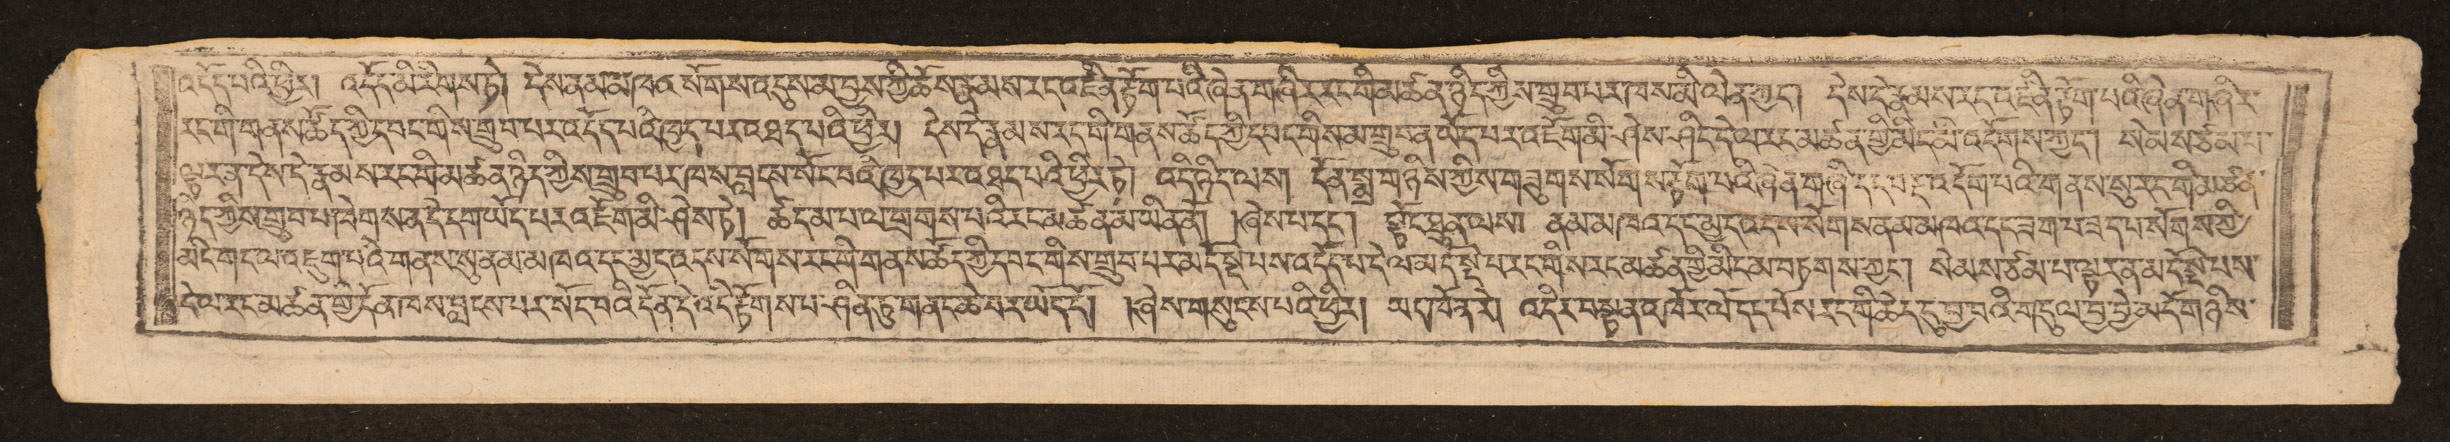འདོད་པའི་ཕྱིར། འདོད་མི་རིགས་ཏེ། དེས་ནམ་མཁའ་སོགས་འདུས་མ་བྱས་ཀྱི་ཆོས་རྣམས་རང་འཛིན་རྟོག་པའི་ཞེན་གཞིར་རང་གི་མཚན་ཉིད་ཀྱིས་གྲུབ་པར་ཁས་མི་ལེན་ཀྱང་། དེས་དེ་རྣམས་རང་འཛིན་རྟོག་པའི་ཞེན་གཞིར་
རང་གི་གནས་ཚོད་ཀྱི་དབང་གིས་གྲུབ་པར་འདོད་པའི་ཁྱད་པར་འཐད་པའི་ཕྱིར། དེས་དེ་རྣམས་རང་གི་གནས་ཚོད་ཀྱི་དབང་གིས་མ་གྲུབ་ན་ཡོད་པར་འཇོག་མི་ཤེས་ཤིང་དེ་ལ་རང་མཚན་གྱི་མིང་མི་འདོགས་ཀྱང་། སེམས་ཙམ་པ་
ལྟར་ན་དེས་དེ་རྣམས་རང་གི་མཚན་ཉིད་ཀྱིས་གྲུབ་པར་ཁས་བླངས་སོང་བའི་ཁྱད་པར་འཐད་པའི་ཕྱིར་ཏེ། འདི་ཉིད་ལས། དོན་སྨྲ་གཉིས་ཀྱིས་གཟུགས་སོགས་རྟོག་པའི་ཞེན་གཞི་དང་བརྡ་འདོག་པའི་གནས་སུ་རང་གི་མཚན་
ཉིད་ཀྱིས་གྲུབ་པ་ཁེགས་ན་དེ་དག་ཡོད་པར་འཇོག་མི་ཤེས་ཏེ། ཚད་མ་པ་ལ་གྲགས་པའི་རང་མཚན་མ་ཡིན་ནོ། །ཞེས་པ་དང་། སྟོང་ཐུན་ལས། ནམ་མཁའ་དང་མྱང་འདས་སོགས་ནམ་མཁའ་དང་ཟག་པ་ཟད་པ་སོགས་ཀྱི་
མིང་གང་ལ་འཇུག་པའི་གནས་སུ་ནམ་མཁའ་དང་མྱང་འདས་སོགས་རང་གི་གནས་ཚོད་ཀྱི་དབང་གིས་གྲུབ་པར་མདོ་སྡེ་བས་འདོད་པ་དེ་ལ་མདོ་སྡེ་བ་རང་གིས་རང་མཚན་གྱི་མིང་མ་བཏགས་ཀྱང་། སེམས་ཙམ་པ་ལྟར་ན་མདོ་སྡེ་བས་
དེ་ལ་རང་མཚན་གྱི་དོན་ཁས་བླངས་པར་སོང་བའི་དོན་དེ་འདི་རྟོགས་པ་ཤིན་ཏུ་གནང་ཆེ་བར་ཡོད་དོ། །ཞེས་གསུངས་པའི་ཕྱིར། ཡང་ཁོ་ན་རེ། འདིར་བསྟན་འཁོར་ལོ་དང་པོས་རང་གི་ཆེད་དུ་བྱ་བའི་གདུལ་བྱ་བྱེ་མདོ་གཉིས་